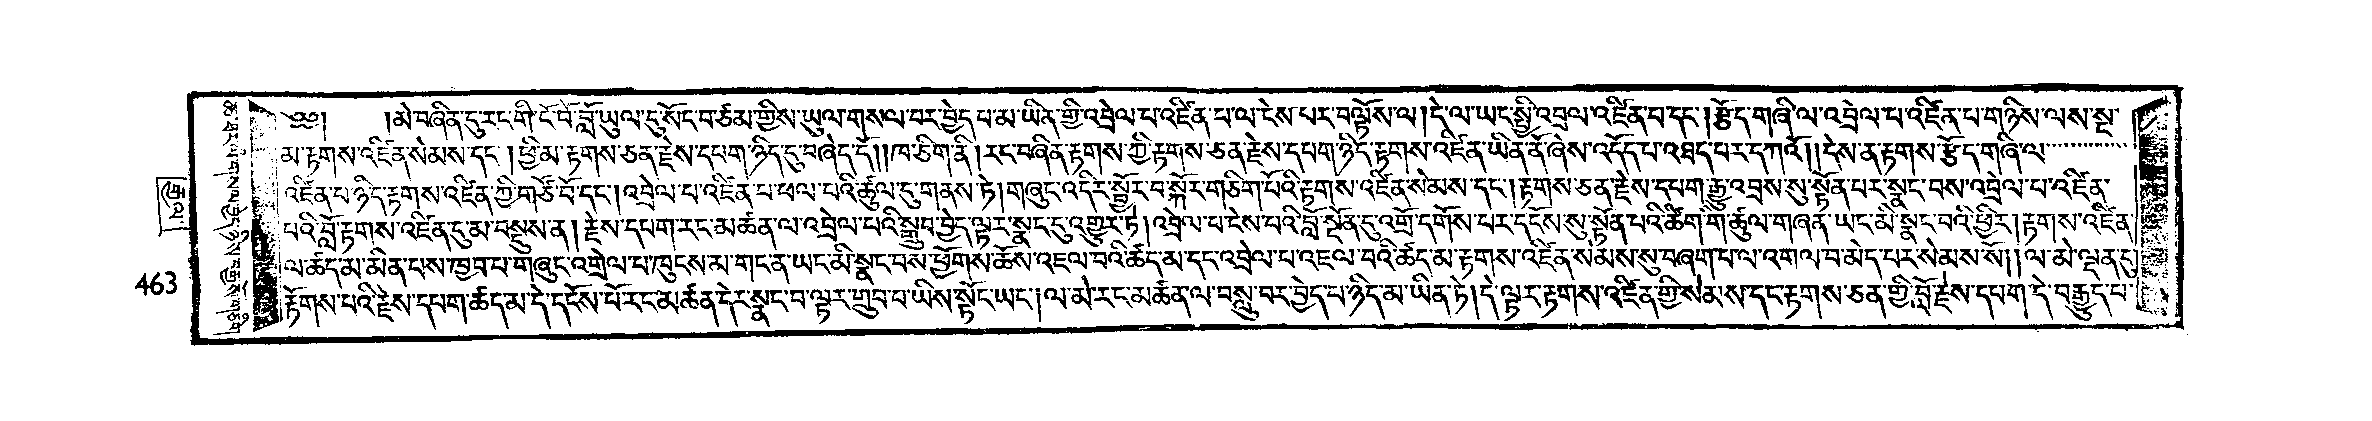༄༅། །མེ་བཞིན་དུ་རང་གི་ངོ་བོ་བློ་ཡུལ་དུ་སོང་བ་ཙམ་གྱིས་ཡུལ་གསལ་བར་བྱེད་པ་མ་ཡིན་གྱི་འབྲེལ་པ་འཛིན་པ་ལ་ངེས་པར་བལྟོས་ལ། དེ་ལ་ཡང་སྤྱི་འབྲལ་འཛིན་པ་དང་། རྩོད་གཞི་ལ་འབྲེལ་པ་འཛིན་པ་གཉིས་ལས་སྔ་
མ་རྟགས་འཛིན་སེམས་དང་། ཕྱི་མ་རྟགས་ཅན་རྗེས་དཔག་ཉིད་དུ་བཞེད་དོ། །ཁ་ཅིག་ནི། རང་བཞིན་རྟགས་ཀྱི་རྟགས་ཅན་རྗེས་དཔག་ཉིད་རྟགས་འཛིན་ཡིན་ནོ་ཞེས་འདོད་པ་འཐད་པར་དཀའོ། །དེས་ན་རྟགས་རྩོད་གཞི་ལ་
འཛིན་པ་ཉིད་རྟགས་འཛིན་ཀྱི་གཙོ་བོ་དང་། འབྲེལ་པ་འཛིན་པ་ཕལ་པའི་ཚུལ་དུ་གནས་ཏེ། གཞུང་འདིར་སྦྱོར་བ་སྐོར་གཅིག་པོའི་རྟགས་འཛིན་སེམས་དང་། རྟགས་ཅན་རྗེས་དཔག་རྒྱུ་འབྲས་སུ་སྟོན་པར་སྣང་བས་འབྲེལ་པ་འཛིན་
པའི་བློ་རྟགས་འཛིན་དུ་མ་བསྡུས་ན། རྗེས་དཔག་རང་མཚན་ལ་འབྲེལ་པའི་སྒྲུབ་བྱེད་ལྟར་སྣང་དུ་འགྱུར་ཏེ། འབྲེལ་པ་ངེས་པའི་བློ་སྔོན་དུ་འགྲོ་དགོས་པར་དངོས་སུ་སྟོན་པའི་ཚིག་གི་ཚུལ་གཞན་ཡང་མི་སྣང་བའི་ཕྱིར། རྟགས་འཛིན་
ལ་ཚད་མ་མིན་པས་ཁྱབ་པ་གཞུང་འགྲེལ་པ་ཁུངས་མ་གང་ན་ཡང་མི་སྣང་བས་ཕྱོགས་ཆོས་འཇལ་བའི་ཚད་མ་དང་འབྲེལ་པ་འཇལ་བའི་ཚད་མ་རྟགས་འཛིན་སེམས་སུ་བཞག་པ་ལ་འགལ་བ་མེད་པར་སེམས་སོ། །ལ་མེ་ལྡན་དུ།
རྟོགས་པའི་རྗེས་དཔག་ཚད་མ་དེ་དངོས་པོ་རང་མཚན་དེར་སྣང་བ་ལྟར་གྲུབ་པ་ཡིས་སྟོང་ཡང་། ལ་མེ་རང་མཚན་ལ་བསླུ་བར་བྱེད་པ་ཉིད་མ་ཡིན་ཏེ། དེ་ལྟར་རྟགས་འཛིན་གྱི་སེམས་དང་རྟགས་ཅན་གྱི་བློ་རྗེས་དཔག་དེ་བརྒྱུད་པ་